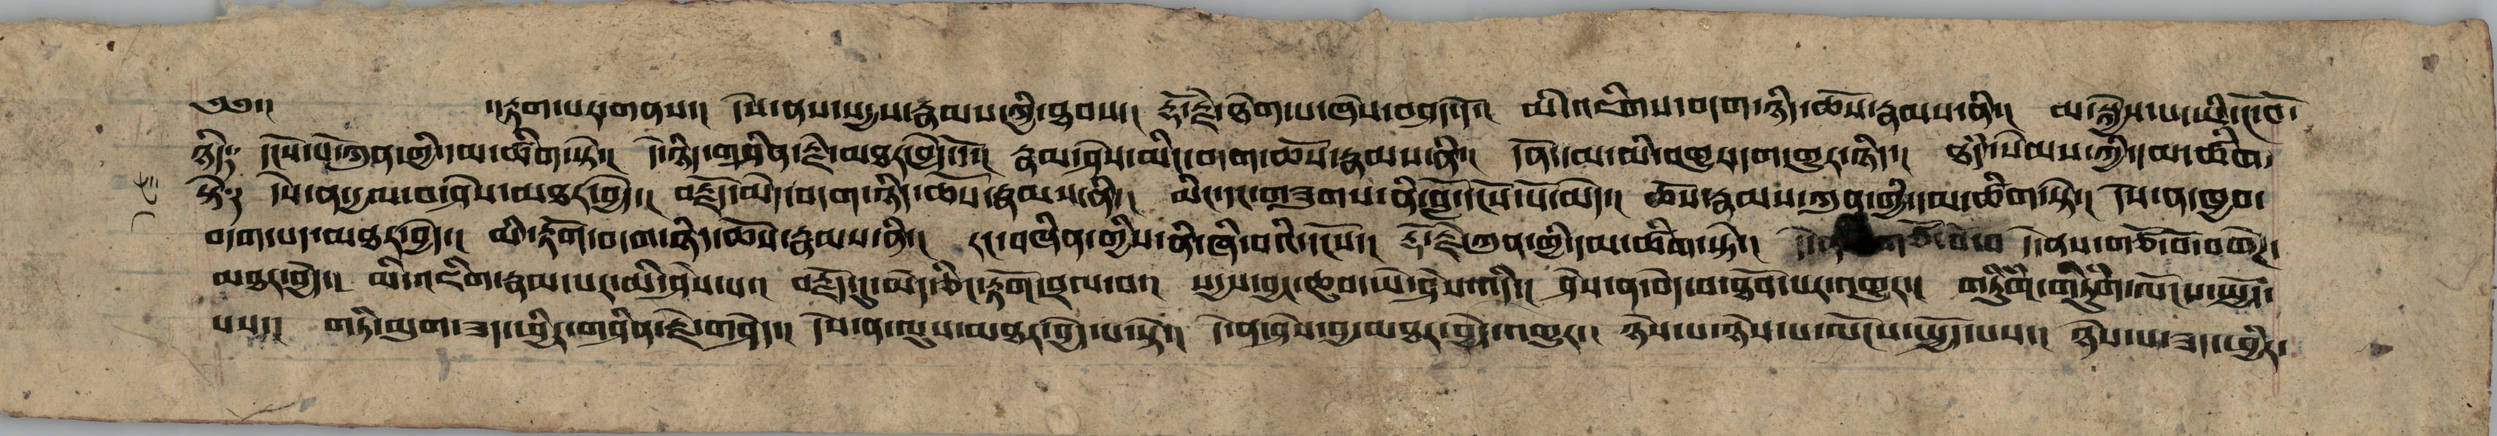༄༅་། ་།རྟག་པར་གནས་། དེས་ནས་སདྱས་རྣམས་ཀྱི་ཐབས་། རྡོ་རྗེ་ཐེག་པ་ཞེས་བཤད་དོ་། མི་འཇིགས་བདག་ཉིད་ཆོས་རྣམས་ནི་། མ་སྐྱེས་པ་ཡི་ངོ་བོ་
ཉིད༑ དངོས་པོ་ཀུན་གྱི་དམ་ཚིག་སྟེ་། དེ་ཉིད་གཤིན་རྗེ་མཐར་བྱེད་དོ་། རྣམ་ཤེས་མིང་བདག་ཆོས་རྣམས་ནི་། དོན་དམ་མི་འགྱུར་དག་གྱུར་ཉིད་། ཐཾད་སེམས་ཀྱི་དམ་ཚིག་
སྟེ༑ དེས་ན་དྱལ་བ་ཤེས་མཐར་བྱེད་། བརྗོད་མེད་བདག་ཉིད་ཆོས་རྣམས་ནི་། མིང་དང་གཟུགས་ནི་བློ་དངོས་པོ་མེད་། ཆོས་རྣམས་ཀུན་གྱི་དམ་ཚིག་སྟེ་། དེས་ན་ཁྱབ་
བདག་པད་མཐར་བྱེད་། མི་རྟོག་བདག་ཉིད་ཆོས་རྣམས་ནི་། རང་བཞིན་གྱིས་ནི་ཞི་བའི་དངོས་། རྡོ་རྗེ་ཀུན་གྱི་དམ་ཚིག་སྟེ་། དེ་ནས་གཙོ་བོས་ དེ་ནས་གཙོ་བོ་བགེཌ་
མཐར་བྱེད་། མི་འཇིག་རྣམ་པར་མི་ཤེས་པ་། བརྗོད་དུ་མེད་ཅིང་རྟོག་བྲལ་བ་། སདྱས་བྱང་ཆུབ་ཡེ་ཤེས་འདི་། ཤེས་ན་བདེ་བ་ཐོབ་པར་འགྱུར་། གཏིུཾག་གཏིུཾག་ལོངས་སྤྱོད་
པས་། གཏི་མུག་ཟད་ཕྱིར་གཤིན་རྗེ་གཤེད་། དེས་ན་ལུས་མཐར་བྱེད་པ་སྟེ་། དེ་ན་ཤེས་བྱ་མཐར་བྱེད་འགྱུར་། ཉེས་པ་ཉེས་པ་ལོངས་སྤྱོད་པས་། ཉེས་པ་ཟད་ཕྱིར་